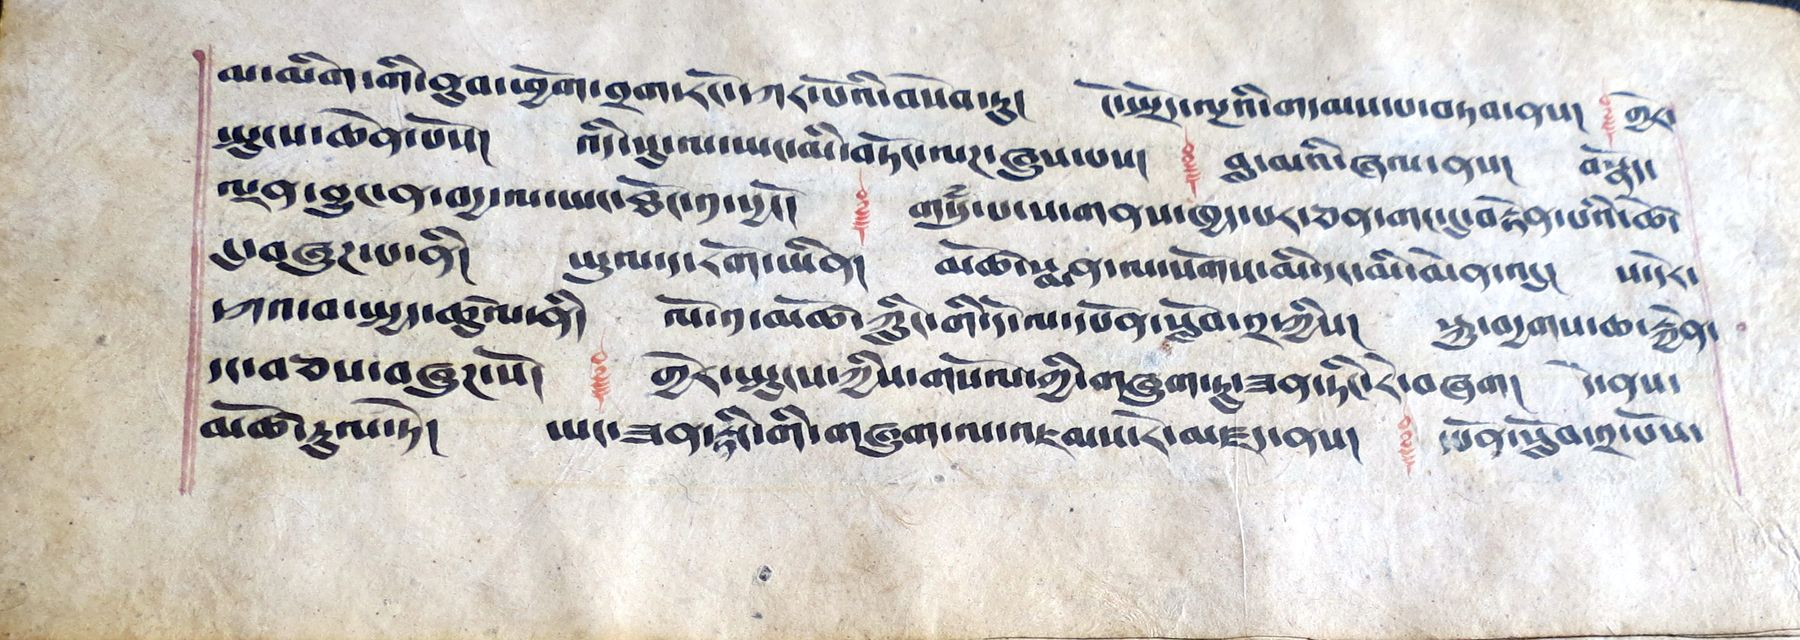མ་མིག་གི་ནུབ་ཕྱོགས་བྲག་རོང་དཀར་པོའི་གསེབ་ཏུ་ངོ་སྤྲོད་ལྔའི་གདམས་པ་བཏབ་ནས། གྱེར་
སྤུངས་ཆེན་པོས་འདི་སུ་ལ་ཡང་མི་སྟོན་ལགས་ཞུས་པས། བླ་མའི་ཞལ་ནས་ བསྣོད་
ལྡན་བྱུང་ན་བརྒྱ་ལ་ཡང་སྟོན་ཞིག་གསུངས་སོ། ། གསུམ་པ་ས་གནས་ཁྱད་པར་ཅན་གང་དུ་བསྟན་པའི་ཚེ་
དུ་བཞུགས་པ་ནི། ཡུལ་ད་རོག་ཡིན། མཚོ་སྨན་ལས་སོགས་མི་དང་མི་མིན་འདུ། ས་དེར་
དཀའ་བ་སྤྱད་ཚུལ་ནི། ལོ་གཅིག་མཚོ་གླིང་གི་དོ་ལ་དཔོན་སློབ་གཉིས་ཀྱིས། སྐུ་རྒྱགས་ཆ་རྐྱེན་
དང་བཅས་ནས་བཞུགས་སོ། ། གྱེར་སྤུངས་ཀྱིས་གསོལ་གྱི་གཞུག་དུ་ཟན་ཏིང་རེ་བཞག དེ་ནས་
མཚོ་རུལ་ཏེ། ཡང་ཟན་ཏིང་གི་གཞུག་ལ་འཇམ་རེ་མཛད་ནས། དཔོན་སློབ་གཉིས་པོས་